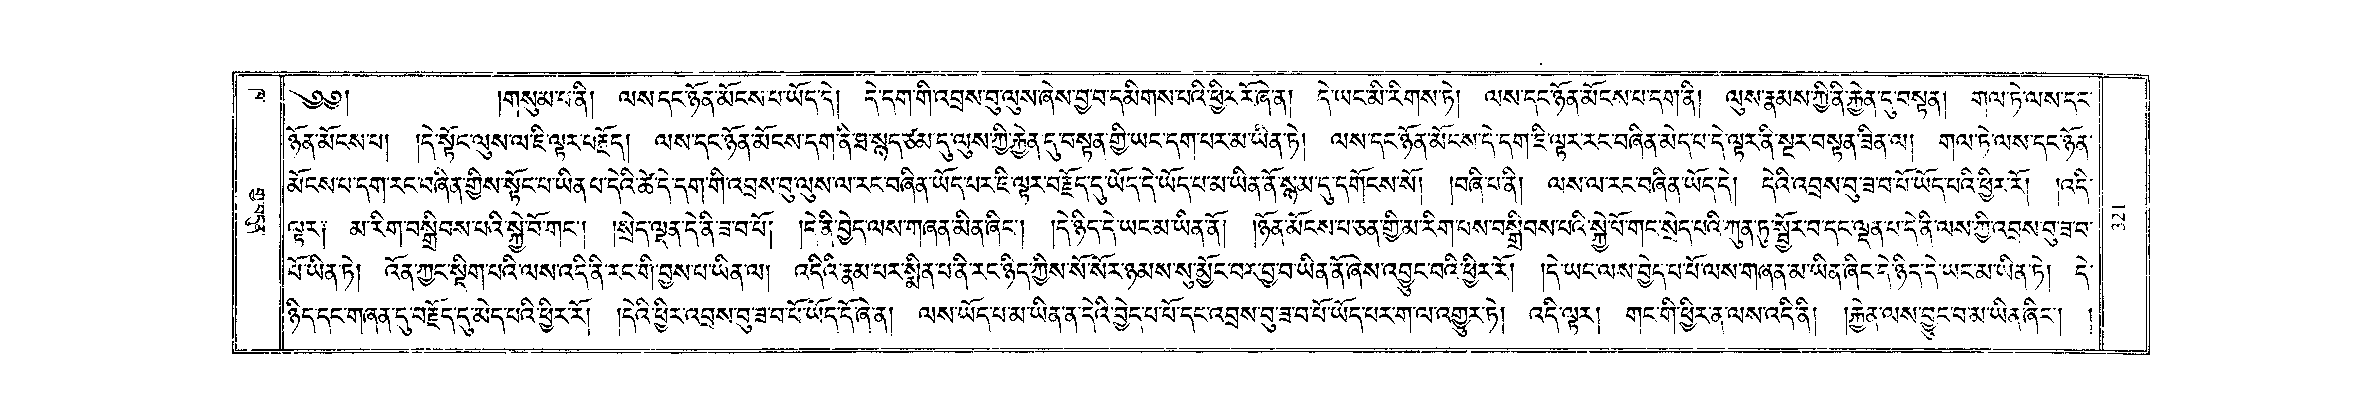༄༅། །གསུམ་པ་ནི། ལས་དང་ཉོན་མོངས་པ་ཡོད་དེ། དེ་དག་གི་འབྲས་བུ་ལུས་ཞེས་བྱ་བ་དམིགས་པའི་ཕྱིར་རོ་ཞེ་ན། དེ་ཡང་མི་རིགས་ཏེ། ལས་དང་ཉོན་མོངས་པ་དག་ནི། ལུས་རྣམས་ཀྱི་ནི་རྐྱེན་དུ་བསྟན། གལ་ཏེ་ལས་དང་
ཉོན་མོངས་པ། །དེ་སྟོང་ལུས་ལ་ཇི་ལྟར་བརྗོད། ལས་དང་ཉོན་མོངས་དག་ནི་ཐ་སྙད་ཙམ་དུ་ལུས་ཀྱི་རྐྱེན་དུ་བསྟན་གྱི་ཡང་དག་པར་མ་ཡིན་ཏེ། ལས་དང་ཉོན་མོངས་དེ་དག་ཇ་ལྟར་རང་བཞིན་མེད་པ་དེ་ལྟར་ནི་སྔར་བསྟན་ཟིན་ལ། གལ་ཏེ་ལས་དང་ཉོན་
མོངས་པ་དག་རང་བཞིན་གྱིས་སྟོང་པ་ཡིན་པ་དེའི་ཚེ་དེ་དག་གི་འབྲས་བུ་ལུས་ལ་རང་བཞིན་ཡོད་པར་ཇི་ལྟར་བརྗོད་དུ་ཡོད་དེ་ཡོད་པ་མ་ཡིན་ནོ་སྙམ་དུ་དགོངས་སོ། །བཞི་པ་ནི། ལས་ལ་རང་བཞིན་ཡོད་དེ། དེའི་འབྲས་བུ་ཟ་བ་པོ་ཡོད་པའི་ཕྱིར་རོ། །འདི་
ལྟར༑ མ་རིག་བསྒྲིབས་པའི་སྐྱེ་བོ་གང་། །སྲེད་ལྡན་དེ་ནི་ཟ་བ་པོ། །དེ་ནི་བྱེད་ལས་གཞན་མིན་ཞིང་། །དེ་ཉིད་དེ་ཡང་མ་ཡིན་ནོ། །ཉོན་མོངས་པ་ཅན་གྱི་མ་རིག་པས་བསྒྲིབས་པའི་སྐྱེ་བོ་གང་སྲེད་པའི་ཀུན་ཏུ་སྦྱོར་བ་དང་ལྡན་པ་དེ་ནི་ལས་ཀྱི་འབྲས་བུ་ཟ་བ་
པོ་ཡིན་ཏེ། འོན་ཀྱང་སྡིག་པའི་ལས་འདི་ནི་རང་གི་བྱས་པ་ཡིན་ལ། འདིའི་རྣམ་པར་སྨིན་པ་ནི་རང་ཉིད་ཀྱིས་སོ་སོར་ཉམས་སུ་མྱོང་བར་བྱ་བ་ཡིན་ནོ་ཞེས་འབྱུང་བའི་ཕྱིར་རོ། །དེ་ཡང་ལས་བྱེད་པ་པོ་ལས་གཞན་མ་ཡིན་ཞིང་དེ་ཉིད་དེ་ཡང་མ་ཡིན་ཏེ། དེ་
ཉིད་དང་གཞན་དུ་བརྗོད་དུ་མེད་པའི་ཕྱིར་རོ། །དེའི་ཕྱིར་འབྲས་བུ་ཟ་བ་པོ་ཡོད་དོ་ཞེ་ན། ལས་ཡོད་པ་མ་ཡིན་ན་དེའི་བྱེད་པ་པོ་དང་འབྲས་བུ་ཟ་བ་པོ་ཡོད་པར་ག་ལ་འགྱུར་ཏེ། འདི་ལྟར། གང་གི་ཕྱིར་ན་ལས་འདི་ནི། །རྐྱེན་ལས་བྱུང་བ་མ་ཡིན་ཞིང་། །